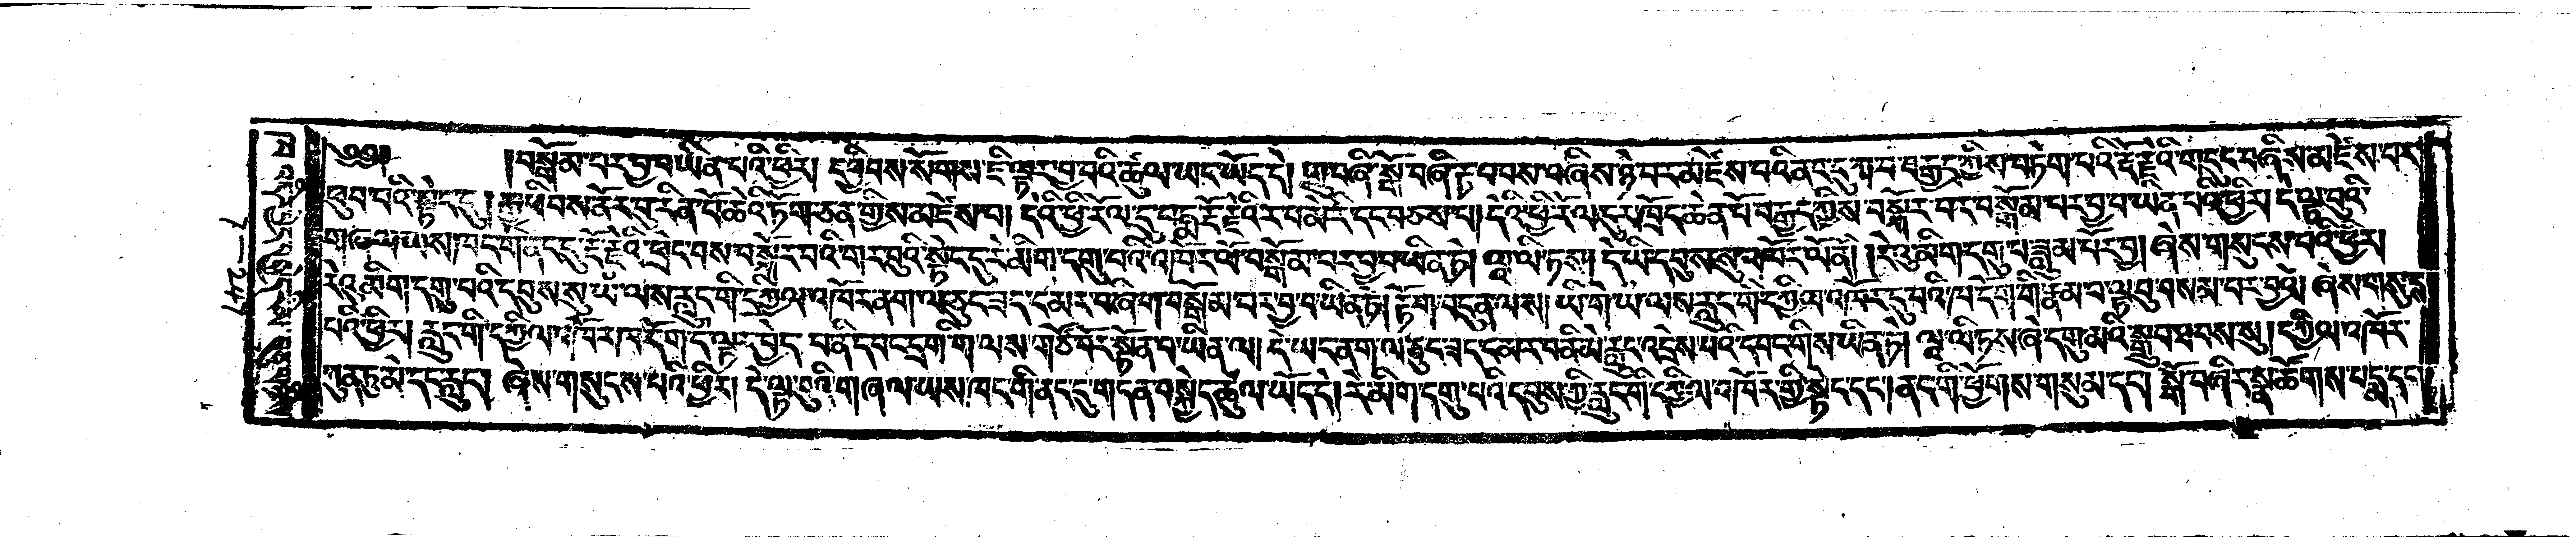༄༅། །བསྒོམ་པར་བྱ་བ་ཡིན་པའི་ཕྱིར། དབྱིབས་སོགས་ཇི་ལྟར་བྱ་བའི་ཚུལ་ཡང་ཡོད་དེ། གྲུ་བཞི་སྒོ་བཞི་རྟ་བབས་བཞིས་ཉེ་བར་མཛེས་པའི་ནང་དུ་ཀ་བ་བརྒྱད་ཀྱིས་བཏེག་པའི་རྡོ་རྗེའི་གདུང་བཞིས་མཛེས་པར་
ཕུབ་པའི་སྟེང་དུ། རྒྱ་ཕིབས་ནོར་བུ་རིན་པོ་ཆེའི་ཏོག་ཅན་གྱིས་མཛེས་པ། དེའི་ཕྱི་རོལ་དུ་པདམ་རྡོ་རྗེའི་ར་བ་མེ་རི་དང་བཅས་པ། དེའི་ཕྱི་རོལ་དུར་ཁྲོད་ཆེན་པོ་བརྒྱད་ཀྱིས་བསྐོར་པར་བསྒོམ་པར་བྱ་བ་ཡིན་པའི་ཕྱིར། དེ་ལྟ་བུའི་
གཞལ་ཡས་ཁང་གི་ནང་དུ་རྡོ་རྗེའི་ཕྲེང་བས་བསྐོར་བའི་གར་བུའི་སྟེང་དུ་རེ་མིག་དགུ་བའི་འཁོར་ལོ་བསྒོམ་པར་བྱ་བ་ཡིན་ཏེ། ལཱ་ལི་ཏས། དེ་ཡི་དབུས་སུ་འཁོར་ལོ་ནི། །རེའུ་མིག་དགུ་བ་ཟླུམ་པོར་བྱ། ཞེས་གསུངས་པའི་ཕྱིར།
རེའུ་མིག་དགུ་པའི་དབུས་སུ་ཡཾ་ལས་རླུང་གི་དཀྱིལ་འཁོར་ནག་ལ་ཅུང་ཟད་དམར་བ་ཞིག་བསྒོམ་པར་བྱ་བ་ཡིན་ཏེ། རྟོག་བདུན་ལས། ཡི་གེ་ཡཾ་ལས་རླུང་གི་དཀྱིལ་འཁོར་དུ་བའི་ཁ་དོག་གི་རྣམ་པ་ལྟ་བུ་བསམ་པར་བྱའོ། ཞེས་གསུངས་
པའི་ཕྱིར། རླུང་གི་དཀྱིལ་འཁོར་ཁ་དོག་དེ་ལྟར་བྱེད་པ་ནི་དབང་དྲག་གི་ལས་གཙོ་བོར་སྟོན་པ་ཡིན་ལ། དེ་ཡང་ནག་ལ་ཅུང་ཟད་དམར་བ་ནི་མེ་རླུང་འདྲེས་པའི་དབང་གིས་ཡིན་ཏེ། ལཱ་ལི་ཏས་ཞེ་དགུ་མའི་སྒྲུབ་ཐབས་སུ། དཀྱིལ་འཁོར་
ཀུན་ཏུ་མེ་དང་རླུང་། ཞེས་གསུངས་པའི་ཕྱིར། དེ་ལྟ་བུའི་གཞལ་ཡས་ཁང་གི་ནང་དུ་གདན་བསྐྱེད་ཚུལ་ཡོད་དེ། རེ་མིག་དགུ་པའི་དབུས་ཀྱི་རླུང་གི་དཀྱིལ་འཁོར་གྱི་སྟེང་དང་། ནང་གི་ཕྱོགས་གསུམ་དང་། སྒོ་བཞིར་སྣ་ཚོགས་པདམ་དང་